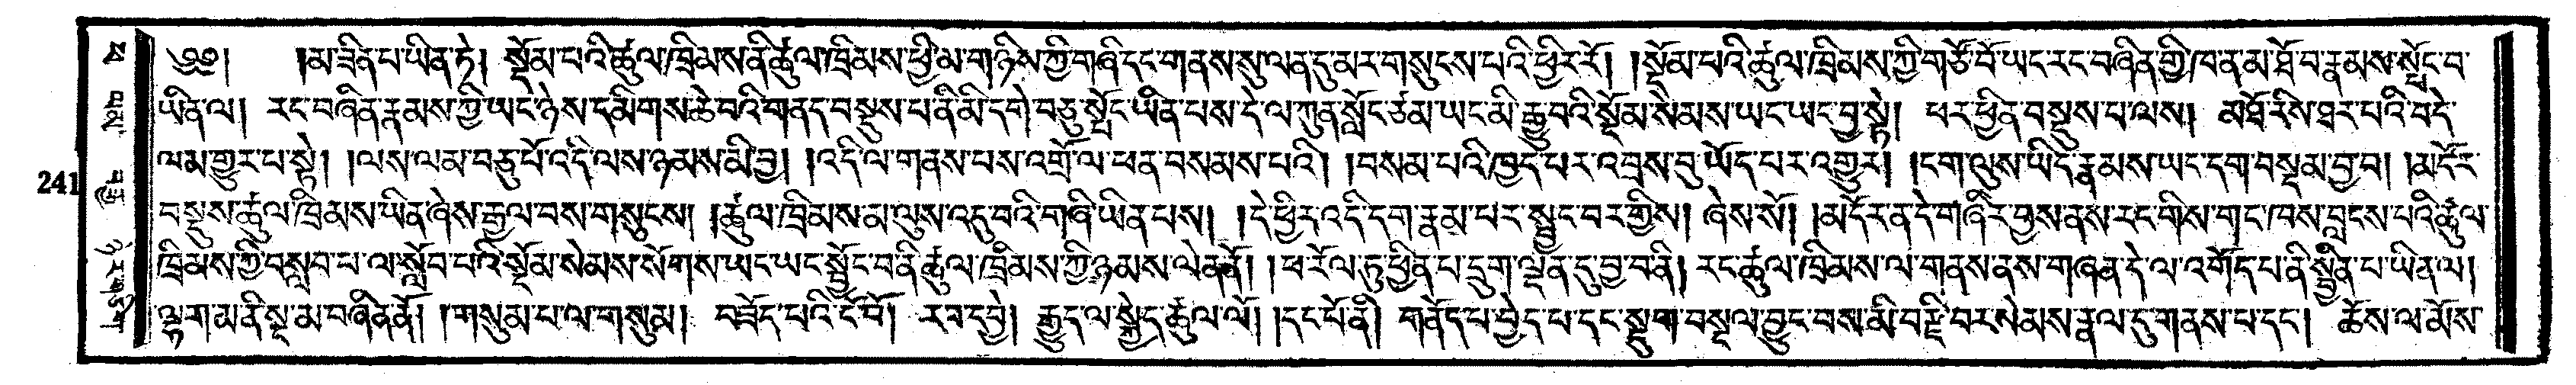༄༅། །མ་ཟིན་པ་ཡིན་ཏེ། སྡོམ་པའི་ཚུལ་ཁྲིམས་ནི་ཚུལ་ཁྲིམས་ཕྱི་མ་གཉིས་ཀྱི་གཞི་དང་གནས་སུ་ལན་དུ་མར་གསུངས་པའི་ཕྱིར་རོ། །སྡོམ་པའི་ཚུལ་ཁྲིམས་ཀྱི་གཙོ་བོ་ཡང་རང་བཞིན་གྱི་ཁ་ན་མ་ཐོབ་བ་རྣམས་སྤོང་བ་
ཡིན་ལ། རང་བཞིན་རྣམས་ཀྱི་ཡང་ཉེས་དམིགས་ཆེ་བའི་གནད་བསྡུས་པ་ནི་མི་དགེ་བཅུ་སྤོང་ཡིན་པས་དེ་ལ་ཀུན་སློང་ཙམ་ཡང་མི་རྒྱུ་བའི་སྡོམ་སེམས་ཡང་ཡང་བྱ་སྟེ། ཕར་ཕྱིན་བསྡུས་པ་ལས། མཐོ་རིས་ཐར་པའི་བདེ་
ལམ་གྱུར་པ་སྟེ། །ལས་ལམ་བཅུ་པོ་འདི་ལས་ཉམས་མི་བྱ། །འདི་ལ་གནས་པས་འགྲོ་ལ་ཕན་བསམས་པའི། །བསམ་པའི་ཁྱད་པར་འབྲས་བུ་ཡོད་པར་འགྱུར། །ངག་ལུས་ཡིད་རྣམས་ཡང་དག་བསྡམ་བྱ་བ། །མདོར་
བསྡུས་ཚུལ་ཁྲིམས་ཡིན་ཞེས་རྒྱལ་བས་གསུངས། །ཚུལ་ཁྲིམས་མ་ལུས་འདུ་བའི་གཞི་ཡིན་པས། །དེ་ཕྱིར་འདི་དག་རྣམ་པར་སྦྱང་བར་གྱིས། ཞེས་སོ། །མདོར་ན་དེ་གཞིར་བྱས་ནས་རང་གིས་གང་ཁས་བླངས་པའི་ཚུལ་
ཁྲིམས་ཀྱི་བསླབ་པ་ལ་སློབ་པའི་སྡོམ་སེམས་སོགས་ཡང་ཡང་སྦྱོང་བ་ནི་ཚུལ་ཁྲིམས་ཀྱི་ཉམས་ལེན་ནོ། །ཕ་རོལ་ཏུ་ཕྱིན་པ་དྲུག་ལྡན་དུ་བྱ་བ་ནི། རང་ཚུལ་ཁྲིམས་ལ་གནས་ནས་གཞན་དེ་ལ་འགོད་པ་ནི་སྦྱིན་པ་ཡིན་ལ།
ལྷག་མ་ནི་སྔ་མ་བཞིན་ནོ། །གསུམ་པ་ལ་གསུམ། བཟོད་པའི་ངོ་བོ། རབ་དབྱེ། རྒྱུད་ལ་སྐྱེད་ཚུལ་ལོ། །དང་པོ་ནི། གནོད་པ་བྱེད་པ་དང་སྡུག་བསྔལ་བྱུང་བས་མི་བརྫི་བར་སེམས་རྣལ་དུ་གནས་པ་དང་། ཆོས་ལ་མོས་